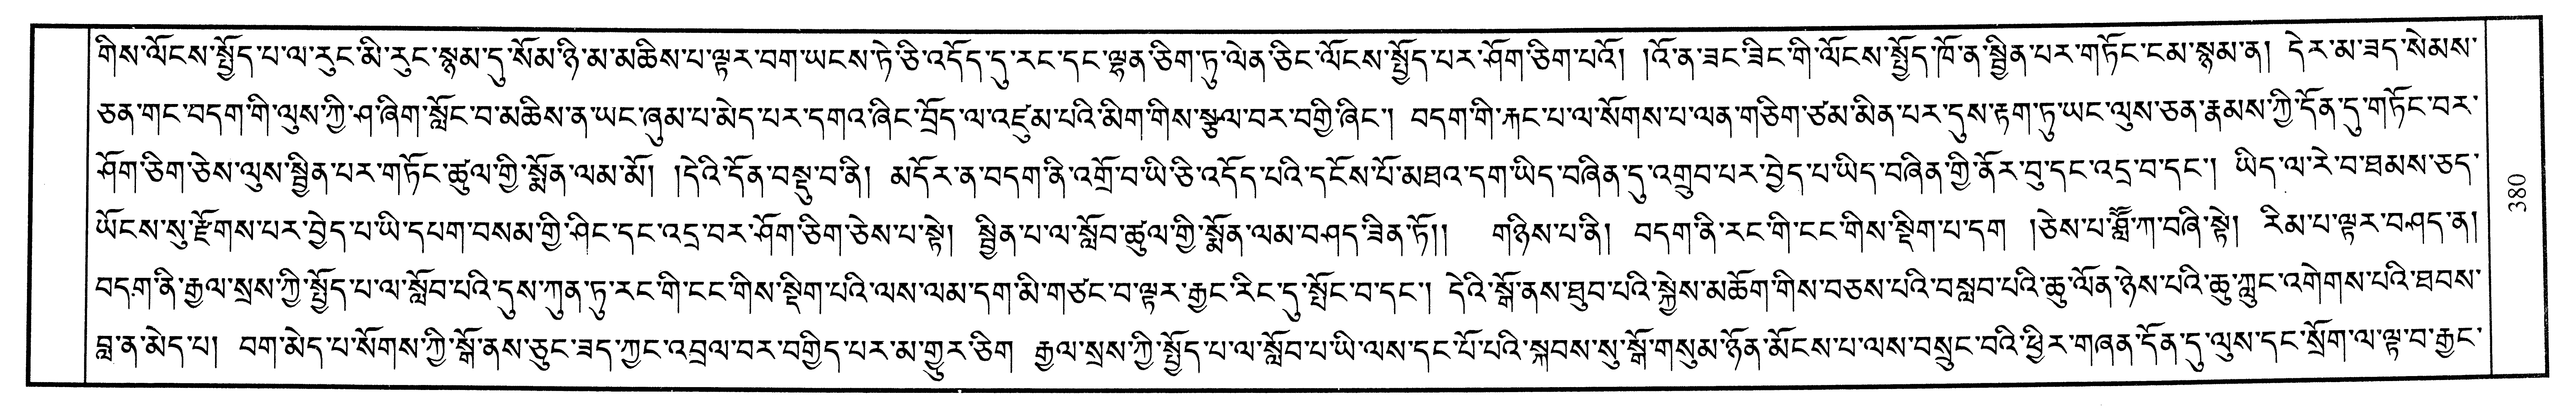གིས་ལོངས་སྤྱོད་པ་ལ་རུང་མི་རུང་སྙམ་དུ་སོམ་ཉི་མ་མཆིས་པ་ལྟར་བག་ཡངས་ཏེ་ཅི་འདོད་དུ་རང་དང་ལྷན་ཅིག་ཏུ་ལེན་ཅིང་ལོངས་སྤྱོད་པར་ཤོག་ཅིག་པའོ། །འོ་ན་ཟང་ཟིང་གི་ལོངས་སྤྱོད་ཁོ་ན་སྦྱིན་པར་གཏོང་ངམ་སྙམ་ན། དེར་མ་ཟད་སེམས་
ཅན་གང་བདག་གི་ལུས་ཀྱི་ཤ་ཞིག་སློང་བ་མཆིས་ན་ཡང་ཞུམ་པ་མེད་པར་དགའ་ཞིང་བྲོད་ལ་འཛུམ་པའི་མིག་གིས་སྩལ་བར་བགྱི་ཞིང་། བདག་གི་རྐང་པ་ལ་སོགས་པ་ལན་གཅིག་ཙམ་མིན་པར་དུས་རྟག་ཏུ་ཡང་ལུས་ཅན་རྣམས་ཀྱི་དོན་དུ་གཏོང་བར་
ཤོག་ཅིག་ཅེས་ལུས་སྦྱིན་པར་གཏོང་ཚུལ་གྱི་སྨོན་ལམ་མོ། །དེའི་དོན་བསྡུ་བ་ནི། མདོར་ན་བདག་ནི་འགྲོ་བ་ཡི་ཅི་འདོད་པའི་དངོས་པོ་མཐའ་དག་ཡིད་བཞིན་དུ་འགྲུབ་པར་བྱེད་པ་ཡིད་བཞིན་གྱི་ནོར་བུ་དང་འདྲ་བ་དང་། ཡིད་ལ་རེ་བ་ཐམས་ཅད་
ཡོངས་སུ་རྫོགས་པར་བྱེད་པ་ཡི་དཔག་བསམ་གྱི་ཤིང་དང་འདྲ་བར་ཤོག་ཅིག་ཅེས་པ་སྟེ། སྦྱིན་པ་ལ་སློབ་ཚུལ་གྱི་སྨོན་ལམ་བཤད་ཟིན་ཏོ།། གཉིས་པ་ནི། བདག་ནི་རང་གི་ངང་གིས་སྡིག་པ་དག །ཅེས་པ་ཤླཽ་ཀ་བཞི་སྟེ། རིམ་པ་ལྟར་བཤད་ན།
བདག་ནི་རྒྱལ་སྲས་ཀྱི་སྤྱོད་པ་ལ་སློབ་པའི་དུས་ཀུན་ཏུ་རང་གི་ངང་གིས་སྡིག་པའི་ལས་ལམ་དག་མི་གཙང་བ་ལྟར་རྒྱང་རིང་དུ་སྤོང་བ་དང་། དེའི་སྒོ་ནས་ཐུབ་པའི་སྐྱེས་མཆོག་གིས་བཅས་པའི་བསླབ་པའི་ཆུ་ལོན་ཉེས་པའི་ཆུ་ཀླུང་འགེགས་པའི་ཐབས་
བླ་ན་མེད་པ། བག་མེད་པ་སོགས་ཀྱི་སྒོ་ནས་ཅུང་ཟད་ཀྱང་འབྲལ་བར་བགྱིད་པར་མ་གྱུར་ཅིག་རྒྱལ་སྲས་ཀྱི་སྤྱོད་པ་ལ་སློབ་པ་ཡི་ལས་དང་པོ་པའི་སྐབས་སུ་སྒོ་གསུམ་ཉོན་མོངས་པ་ལས་བསྲུང་བའི་ཕྱིར་གཞན་དོན་དུ་ལུས་དང་སྲོག་ལ་ལྟ་བ་རྒྱང་